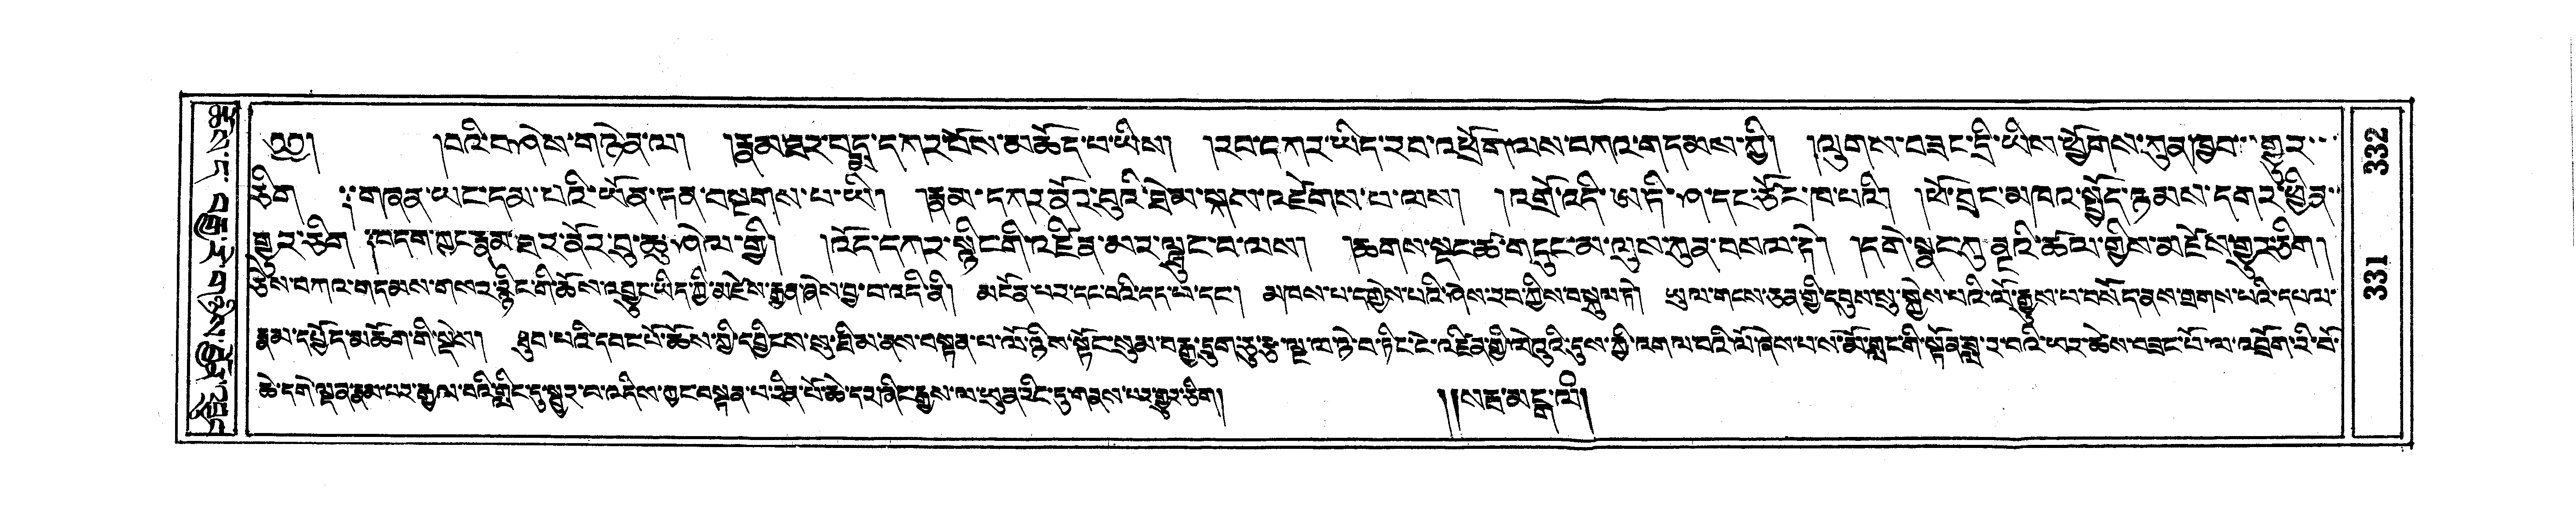༄༅། །བའི་བཤེས་གཉེན་ལ། །རྣམ་ཐར་པདམ་དཀར་པོས་མཆོད་པ་ཡིས། །རབ་དཀར་ཡིད་རབ་འཕྲོག་ལས་བཀའ་གདམས་ཀྱི། །ལུགས་བཟང་དྲི་ཡིས་ཕྱོགས་ཀུན་ཁྱབ་གྱུར་
ཅིག ༑གཞན་ཡང་དམ་པའི་ཡོན་ཏན་བསྔགས་པ་ཡི། །རྣམ་དཀར་ནོར་བུའི་ཐེམ་སྐས་འཛེགས་པ་ལས། །འགྲོ་འདི་ཨ་ཏི་ཤ་དང་ཙོང་ཁ་པའི། །ཕོ་བྲང་མཁའ་སྤྱོད་ཉམས་དགར་ཕྱིན་
གྱུར་ཅིག ༑བདག་ཀྱང་རྣམ་ཐར་ནོར་བུ་ཆུ་ཤེལ་གྱི། །འོད་དཀར་སྙིང་གི་འཛིན་མར་ལྷུང་བ་ལས། །ཆགས་སྡང་ཚ་གདུང་མ་ལུས་ཀུན་བསལ་ཏེ། །དགེ་སྣང་ཀུ་ནངའི་ཚལ་གྱིས་མཛེས་གྱུར་ཅིག།
ཅེས་བཀའ་གདམས་གསར་རྙིང་གི་ཆོས་འབྱུང་ཡིད་ཀྱི་མཛེས་རྒྱན་ཞེས་བྱ་བ་འདི་ནི། མངོན་པར་དང་བའི་དད་པ་དང་། མཁས་པ་དགྱེས་པའི་ཤེས་རབ་ཀྱིས་བསྐུལ་ཏེ། ཡུལ་གངས་ཅན་གྱི་དབུས་སུ་སྐྱེས་པའི་ལོ་རྒྱུས་པ་བསོད་ནས་གྲགས་པའི་དཔལ་
རྣམ་དཔྱོད་མཆོག་གི་སྡེས། ཐུབ་པའི་དབང་པོ་ཆོས་ཀྱི་དབྱིངས་སུ་ཐིམ་ནས་བསྟན་པ་ལོ་ཉིས་སྟོང་སུམ་བརྒྱ་དྲུག་ཅུ་རྩ་ལྔ་ལ་ཉེ་བ་ཏིང་ངེ་འཛིན་གྱི་ལེའུའི་དུས་ཀྱི་འགལ་བའི་ལོ་ཞེས་པས་མོ་གླང་གི་སྟོན་ཟླ་ར་བའི་ཡར་ཚེ་བཟང་པོ་ལ་འབྲོག་རི་བོ་
ཆེ་དགེ་ལྡན་རྣམ་པར་རྒྱལ་བའི་གླིང་དུ་སྦྱར་བ་འདིས་ཀྱང་བསྟན་པ་རིན་པོ་ཆེ་དར་ཞིང་རྒྱས་ལ་ཡུན་རིང་དུ་གནས་པར་གྱུར་ཅིག། །།སརྦ་མངྒ་ལཾ།